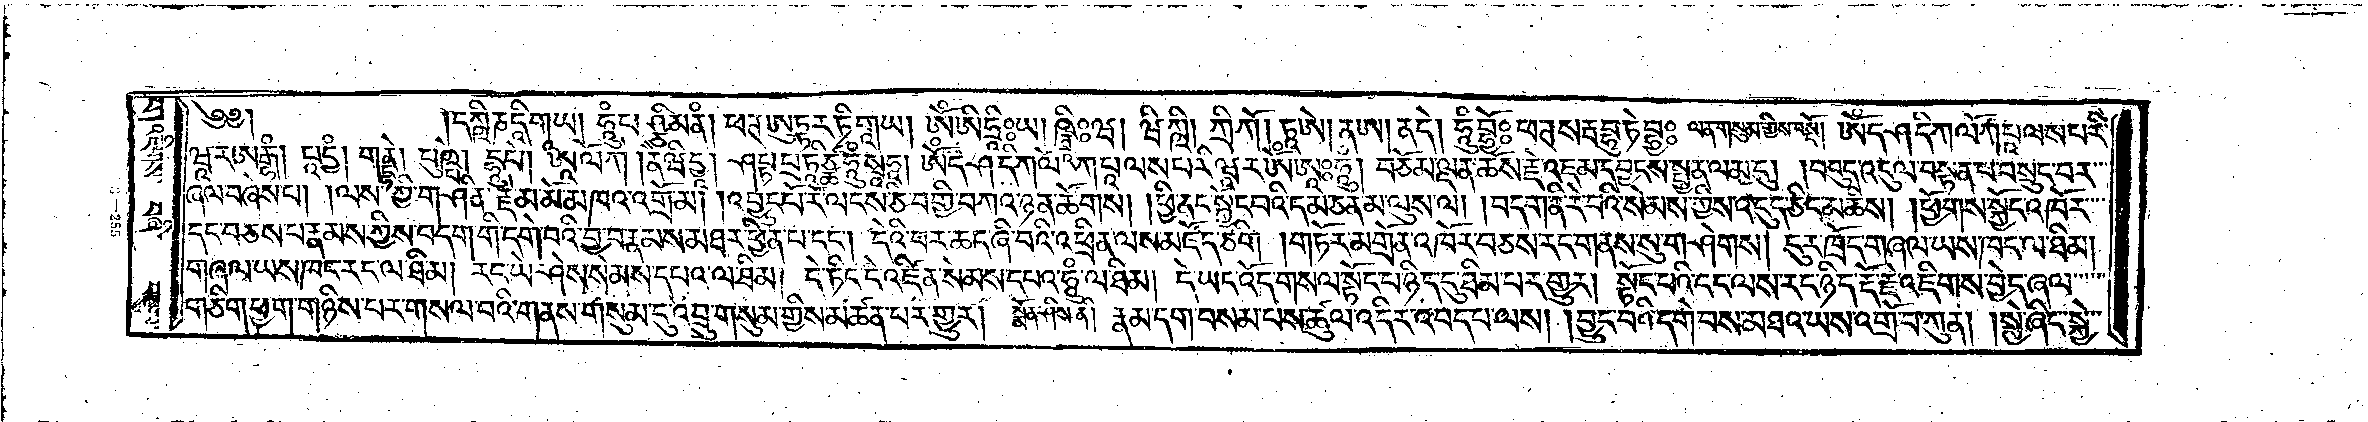༄༅། །དཀྵི་ཎ་དཱི་ག་ཡ། ཧཱུཾ་ཕ་ཤྩི་མ་ནཾ། ཕཌ་ཨུཏྟར་ཏི་ག་ཡ། ཨོཾ་ཨི་ཧྲཱིཿཡ། ཥྚིཿཝ། ཝི་ཀྵི། ཀྲི་ཀོ། ཏཱ་ཡེ། ན་ཡ། ན་དེ། ཧཱུཾ་བྷྱོཿ ཕཌ་སརྦ་བྷུ་དེ་བྷྱཿ ལན་གསུམ་གྱིས་བསྔོ།  ཨོཾ་ད་ཤ་དི་ཀ་ལོ་ཀ་པཱ་ལས་པ་རི་
ཝཱ་ར་ཨརྒྷཾ། པཱ་དྱཾ། གནྡྷེ། པུཥྤེ། དྷཱུ་པེ། ཨཱ་ལོ་ཀ། །ནཻ་ཝི་དྱ། ཤཔྟ་པྲ་ཏཱི་ཙྪ་ཧཱུཾ་སྭཱཧཱ། ཨོཾ་ད་ཤ་དི་ལི་ཀ་པཱ་ལས་པ་རི་ཝཱ་ར་ཨོཾ་ཨཱཿ ཧཱུཾ། བཅོམ་ལྡན་ཆོས་རྗེ་འཇམ་དབྱངས་སྤྱན་ལམ་དུ། །འབུད་འདུལ་བསྟན་པ་བསྲུང་བར་
ཞལ་བཞེས་པ། །ལས་ཀྱི་གཤིན་རྗེ་མ་མོ་མཁའ་འགྲོ་མ། །འབྱུང་པོ་རོ་ལངས་ཅི་བགྱི་བཀའ་ཉན་ཚོགས། །ཕྱི་ནང་སྐྱོང་བའི་དམ་ཅན་མ་ལུས་པ། །བདག་ནི་རེ་བའི་སེམས་ཀྱིས་འདུད་ཅིང་མཆིས། །ཕྱོགས་སྐྱོང་འཁོར་
དང་བཅས་པ་རྣམས་ཀྱིས་བདག་གི་དགེ་བའི་བྱ་བ་རྣམས་མཐར་ཕྱིན་པ་དང་། དེའི་བར་ཆད་ཞི་བའི་ཕྲིན་ལས་མཛོད་ཅིག །གཏོར་མགྲོན་འཁོར་བཅས་རང་གནས་སུ་གཤེགས། དུར་ཁྲོད་གཞལ་ཡས་ཁང་ལ་ཐིམ།
གཞལ་ཡས་ཁང་རང་ལ་ཐིམ། རང་ཡེ་ཤེས་སེམས་དཔའ་ལ་ཐིམ། དེ་ཏིང་ངེ་འཛིན་སེམས་དཔའ་ཧཱུཾ་ལ་ཐིམ། དེ་ཡང་འོད་གསལ་སྟོང་པ་ཉིད་དུ་ཐིམ་པར་འགྱུར། སྟོང་པའི་ངང་ལས་རང་ཉིད་རྡོ་རྗེ་འཇིགས་བྱེད་ཞལ་
གཅིག་ཕྱག་གཉིས་པར་གསལ་བའི་གནས་གསུམ་དུ་འབྲུ་གསུམ་གྱིས་མཚན་པར་གྱུར། སྨོན་ཤིས་ནི།  རྣམ་དག་བསམ་པས་ཚུལ་འདིར་འབད་པ་ལས། །བྱུང་བའི་དགེ་བས་མཐའ་ཡས་འགྲོ་བ་ཀུན། །སྐྱེ་ཞིང་སྐྱེ་